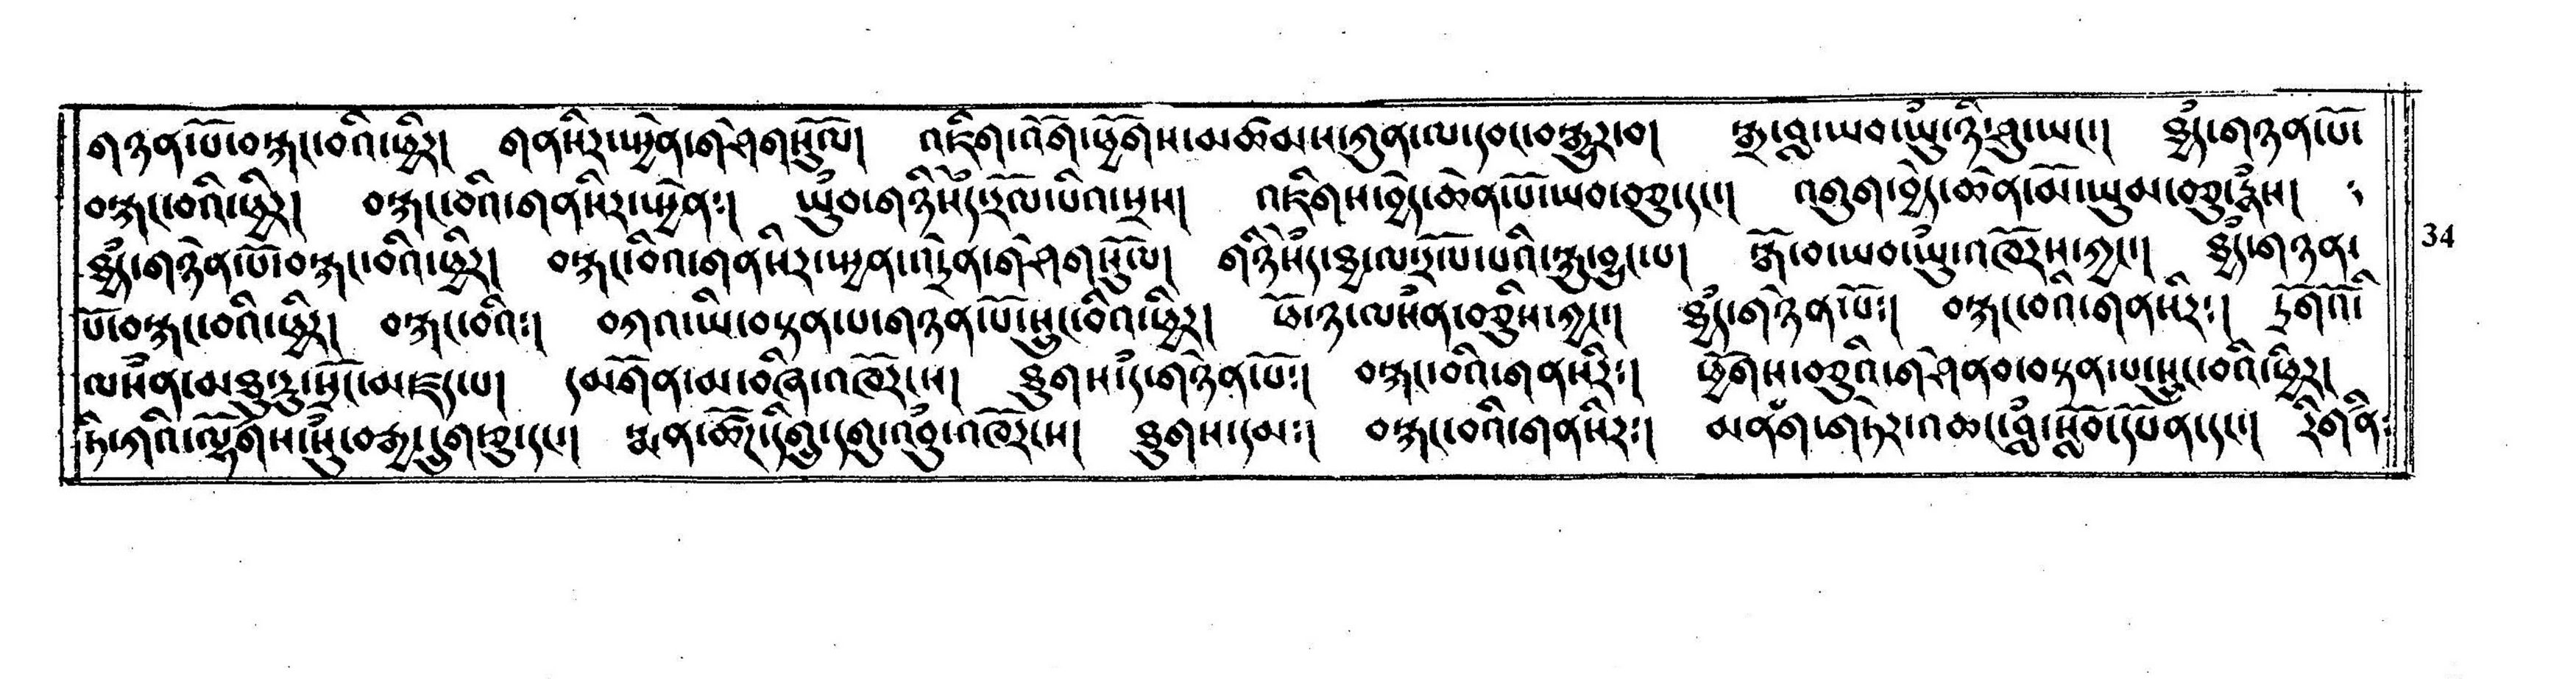གཉན་པོ་བསྐང་བའི་ཕྱིར། གནས་འདིར་སྤྱན་འདྲེན་གཤེགས་སུ་གསོལ། འཇིག་༼སྟེང༽འོག་ཕྱོགས་མཚམས་ཀུན་ལ་དབང་བསྒྱུར་བ། སྒྲ་བླ་ཡབ་ཡུམ་ཉི་ཤུ་ཡང་། ཐུགས་དམ་གཉན་པོ་
བསྐང་བའི་ཕྱིར། བསྐང་བའི་གནས་ཕྱིར་སྤྱན་འདྲེན་གཤེགས་སུ་གསོལ། ཡབ་ཡུམ་གཉིས་མེད་རོལ་པའི་སྲས། འཇིགས་བྱེད་ཆེན་པོ་ཡབ་བཅུ་དང་། འགུག་བྱེད་ཆེན་མོ་ཡུམ་བཅུ་རྣམས། 
ཐུགས་དམ་གཉེན་པོ་བསྐང་བའི་ཕྱིར། བསྐང་བའི་གནས་ཕྱིར་སྤྱན་འདྲེན་གཤེགས་སུ་གསོལ། གཉིས་མེད་ཐུགས་ལ་རོལ་པའི་སྐུ་བྱུང་པ། སྒོ་བ་ཡབ་ཡུམ་འཁོར་བཅས་ཀྱང་། ཐུགས་དམ་གཉན་
པོ་བསྐང་བའི་ཕྱིར། བསྐང་བའི་གནས་ཕྱིར་སྤྱན་འདྲེན་གཤེགས་སུ་གསོལ། བཀའ་ཡི་བསྟན་པ་གཉན་པོ་སྲུང་བའི་ཕྱིར། ཕོ་ཉ་ལས་མཁན་བཅུ་གཉིས་ཀྱང་། ཐུགས་དམ་གཉན་པོ་བསྐང་བའི་ཕྱིར། བསྐང་བའི་གནས་ཕྱིར་སྤྱན་འདྲེན་གཤེགས་སུ་གསོལ། དྲག་པོའི་
ལས་མཁན་མཐུ་རུ་སྲོང་མཛད་པ། དམག་དཔོན་མ་བཞི་འཁོར་དང་བཅས། ཐུགས་དམ་གཉན་པོ་བསྐང་བའི་ཕྱིར། བསྐང་བའི་གནས་ཕྱིར་སྤྱན་འདྲེན་གཤེགས་སུ་གསོལ། ཕྱོགས་བཅུའི་གཤེན་རབ་བསྟན་པ་སྲུང་བའི་ཕྱིར། 
ཏི་ཀའི་ལྷ་ཚོགས་སུམ་བརྒྱ་དྲུག་ཅུ་དང་། སྨན་ཚོགས་དགུ་ཁྲི་དགུ་འབུམ་འཁོར་དང་བཅས། ཐུགས་དམ་གཉན་པོ་བསྐང་བའི་ཕྱིར། བསྐང་བའི་གནས་ཕྱིར་སྤྱན་འདྲེན་གཤེགས་སུ་གསོལ། མན་ངག་གཏེར་འཆང་བླ་མ་སློབ་དཔོན་དང་། རིག་འཛིན་